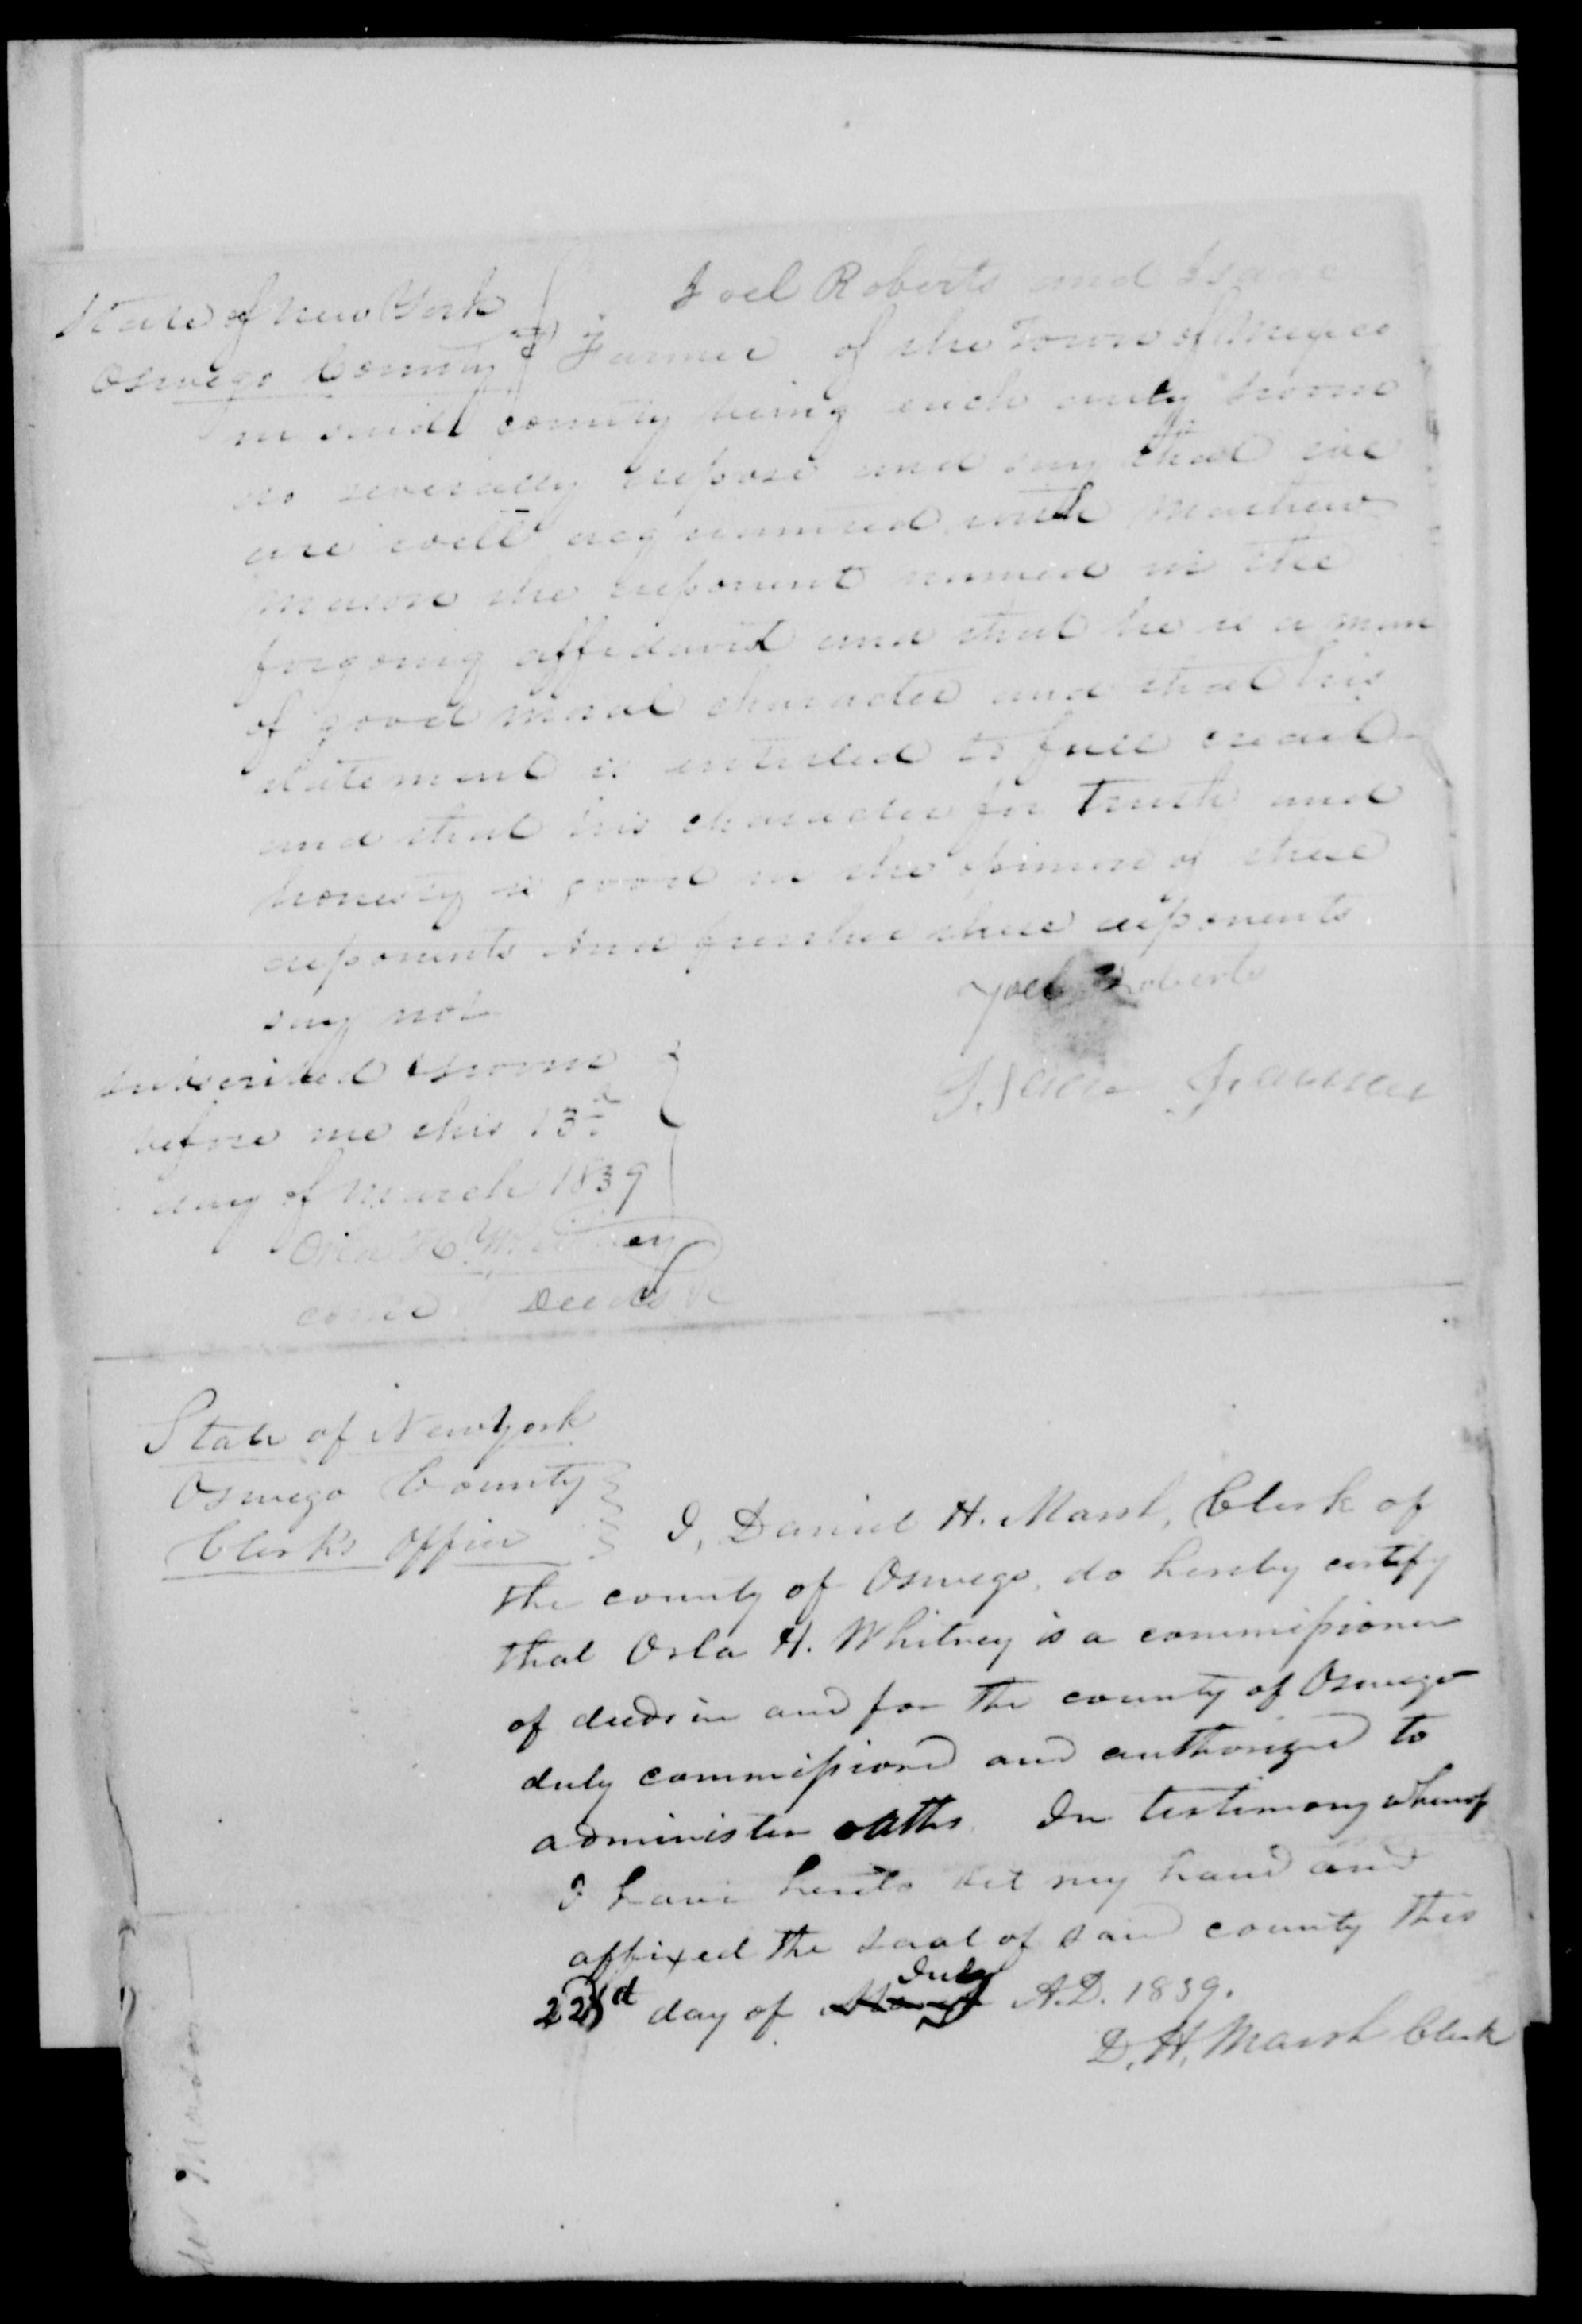[the top half of this page is faded and  much is illegible]
State of New York |
Oswego County    |
Joel Roberts and Isaac Farmer of the Town of [illegible] in said county [illegible] [illegible] [illegible] [illegible] depose and 
[illegible] [illegible] [illegible] [illegible] 
are well acquented 




______________________
State of New York}
Oswego County}
Clerk's Office} I Daniel H. Marsh, Clerk of the county of Oswego, do hereby certify that Orla H. Whitney is a commissioner of deeds in and of the county of Oswego duly commissioned and authorized to administer oaths.  In testimony whereof I [illegible] hereto set my hand and affiixed the Seal of said county this [22nd] day of [strikethrough] July A.D.1839.
D.H. Marsh Clerk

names: Daniel H Marsh; Orla H Whitney; Isaac Fanner; Joel Roberts; Isaac Fanner; D H Marsh; Orla H Whitney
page: 9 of 52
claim: rejected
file: R. 9493, for George Sherman, Vermont